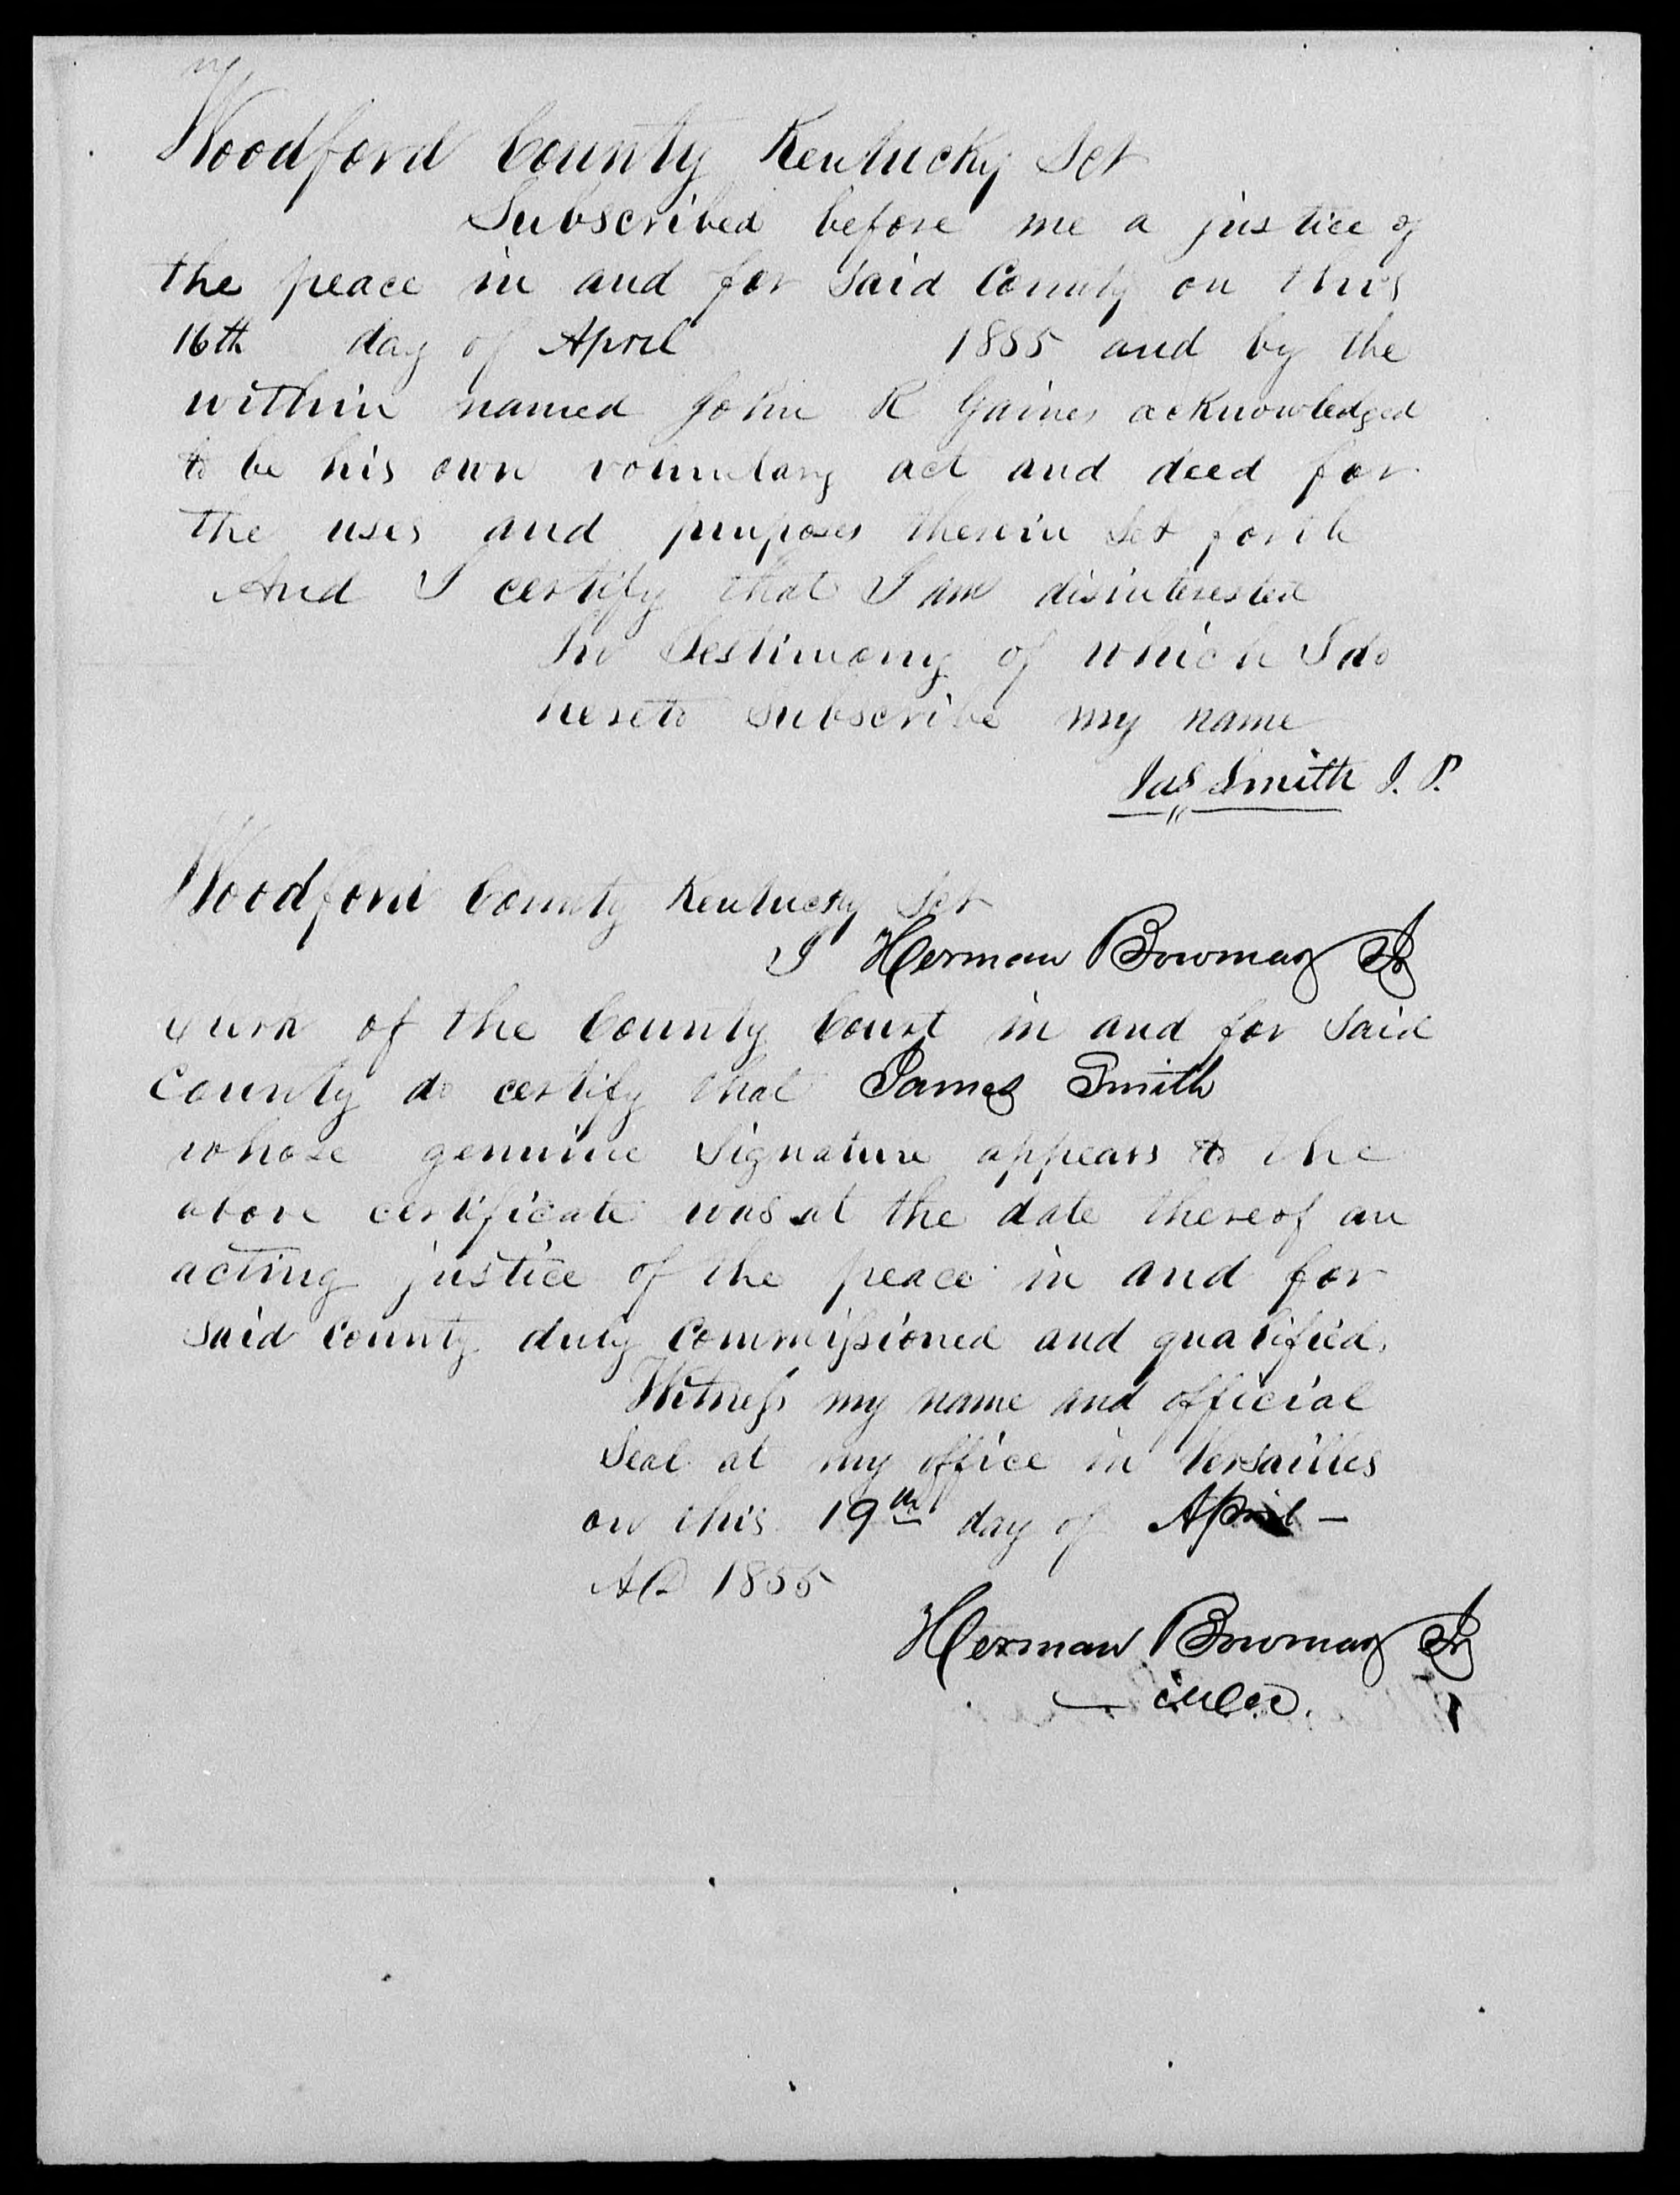Woodford County Kentucky Sct
Subscribed before me a justice of
the peace in and for said County on this
16th day of April 1855 and by the
within named John R Gaines acknowledged
to be his own voluntary act and deed for
the uses and purposes therein set forth
And I certify that I am disinterested
the testimony of which I do
hereto subscribe my name
Jas Smith J.P.

Woodford County Kentucky Sct
I Herman Bowmar Jr
Clerk of the County Court in and for said
County do certify that James Smith
whose genuine signature appears to the
above certificate was at the date thereof an
acting justice of the peace in and for
said County duly commissioned and qualified.
Witness my name and official
Seal at my office in Versailles
on this 19th day of April -
AD 1855
Herman Bowmar Jr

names: James Smith, Jas Smith, Herman Bowmar, Herman Bowmar, John R Gaines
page: 78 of 79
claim: rejected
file: R. 3863, Robert Gaines, Va.